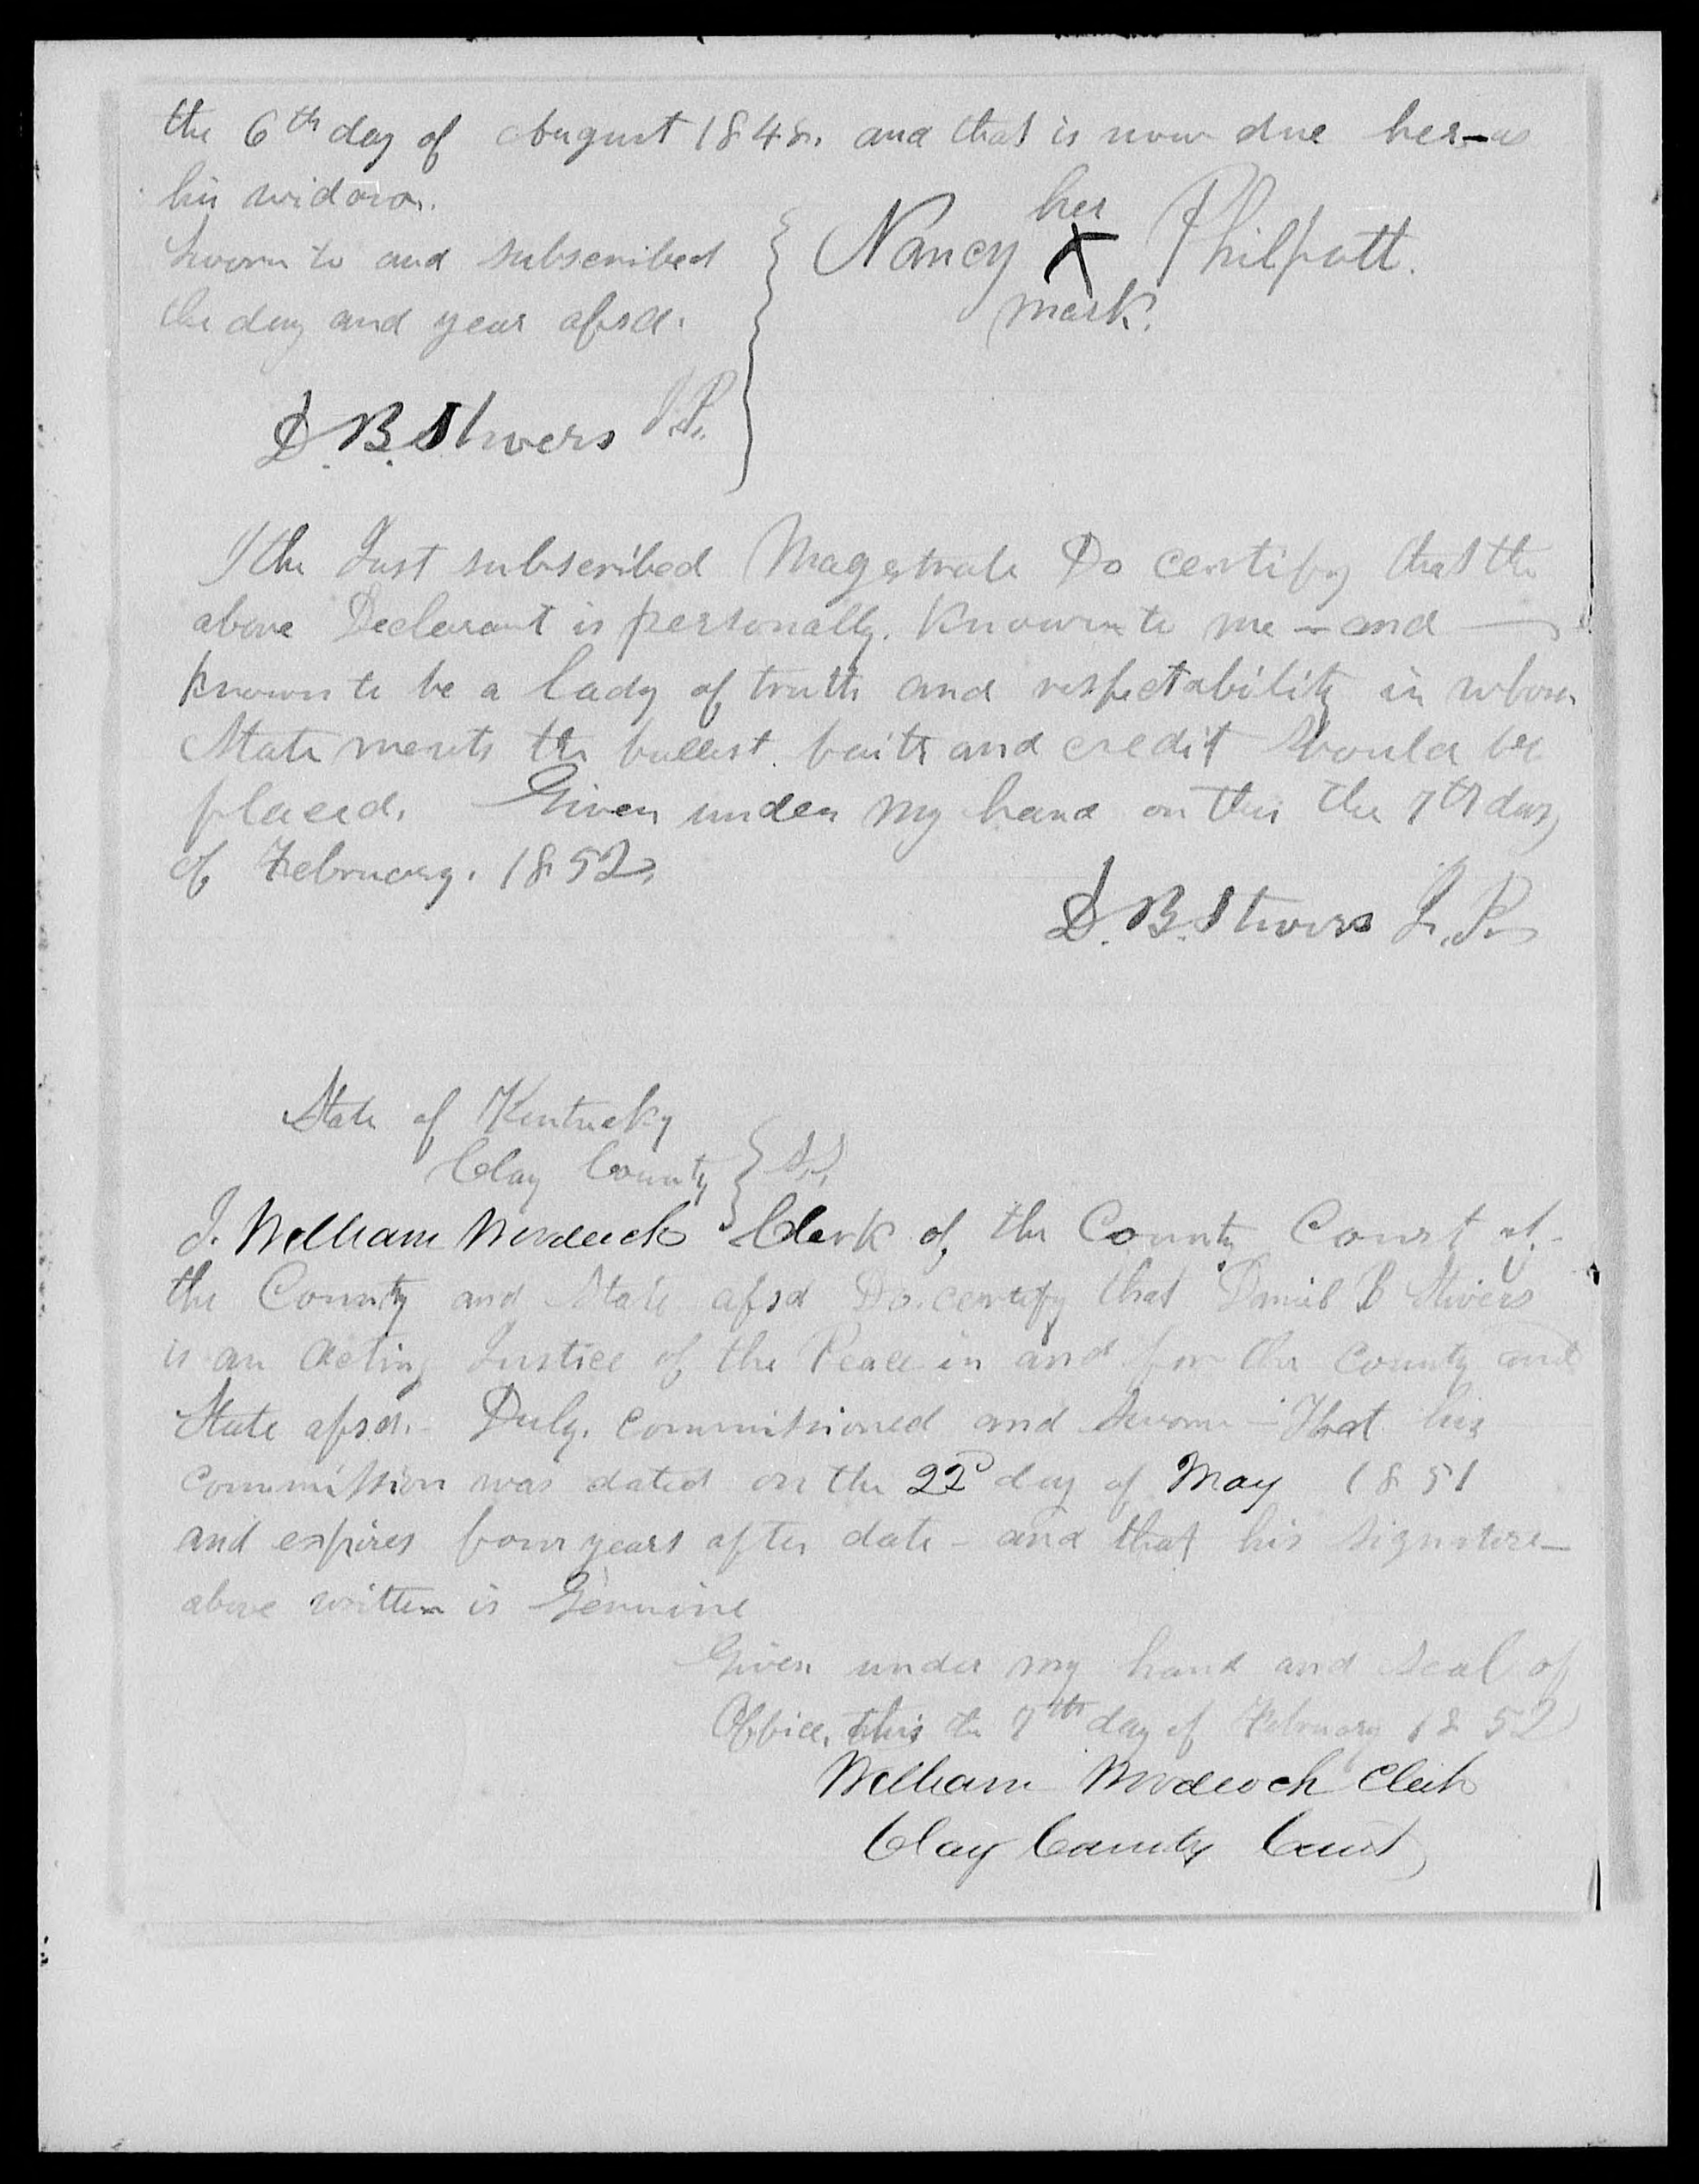the 6th day of August 1848, and that is now due her as his widow
Nancy Philpott X  her mark
Sworn to and subscribed the day and year afrd s/ D B Stivers JP

I the Just subscribed magistrate do certify that the above declarant is personally known to me and known to be a lady of truth and respectability in whose Statements the fullest faith and credit should be placed, Given under my hand on this the 7th day
of February, 1852, D. B. Stivers J. P.

State of Kentucky Clay County 
I William Woodcock Clerk of the County Court of the County and State afsd Do certify that Daniel B Stivers
is an acting Justice of the Peace in and for the County and State afsd Duly Commissioned and sworn. That his Commission was dated on the 22d day of May 1851 and expires four years after date and that his signature
above written is Genuine
Given under my hand and seal of
Office, this the 7th day of February 1852
s/ William Woodcock Clerk
Clay County Court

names: William Woodcock; Nancy Philpott; Daniel B Stivers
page: 3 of 43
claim: rejected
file: R. 8217, for Thomas Philpot, South Carolina